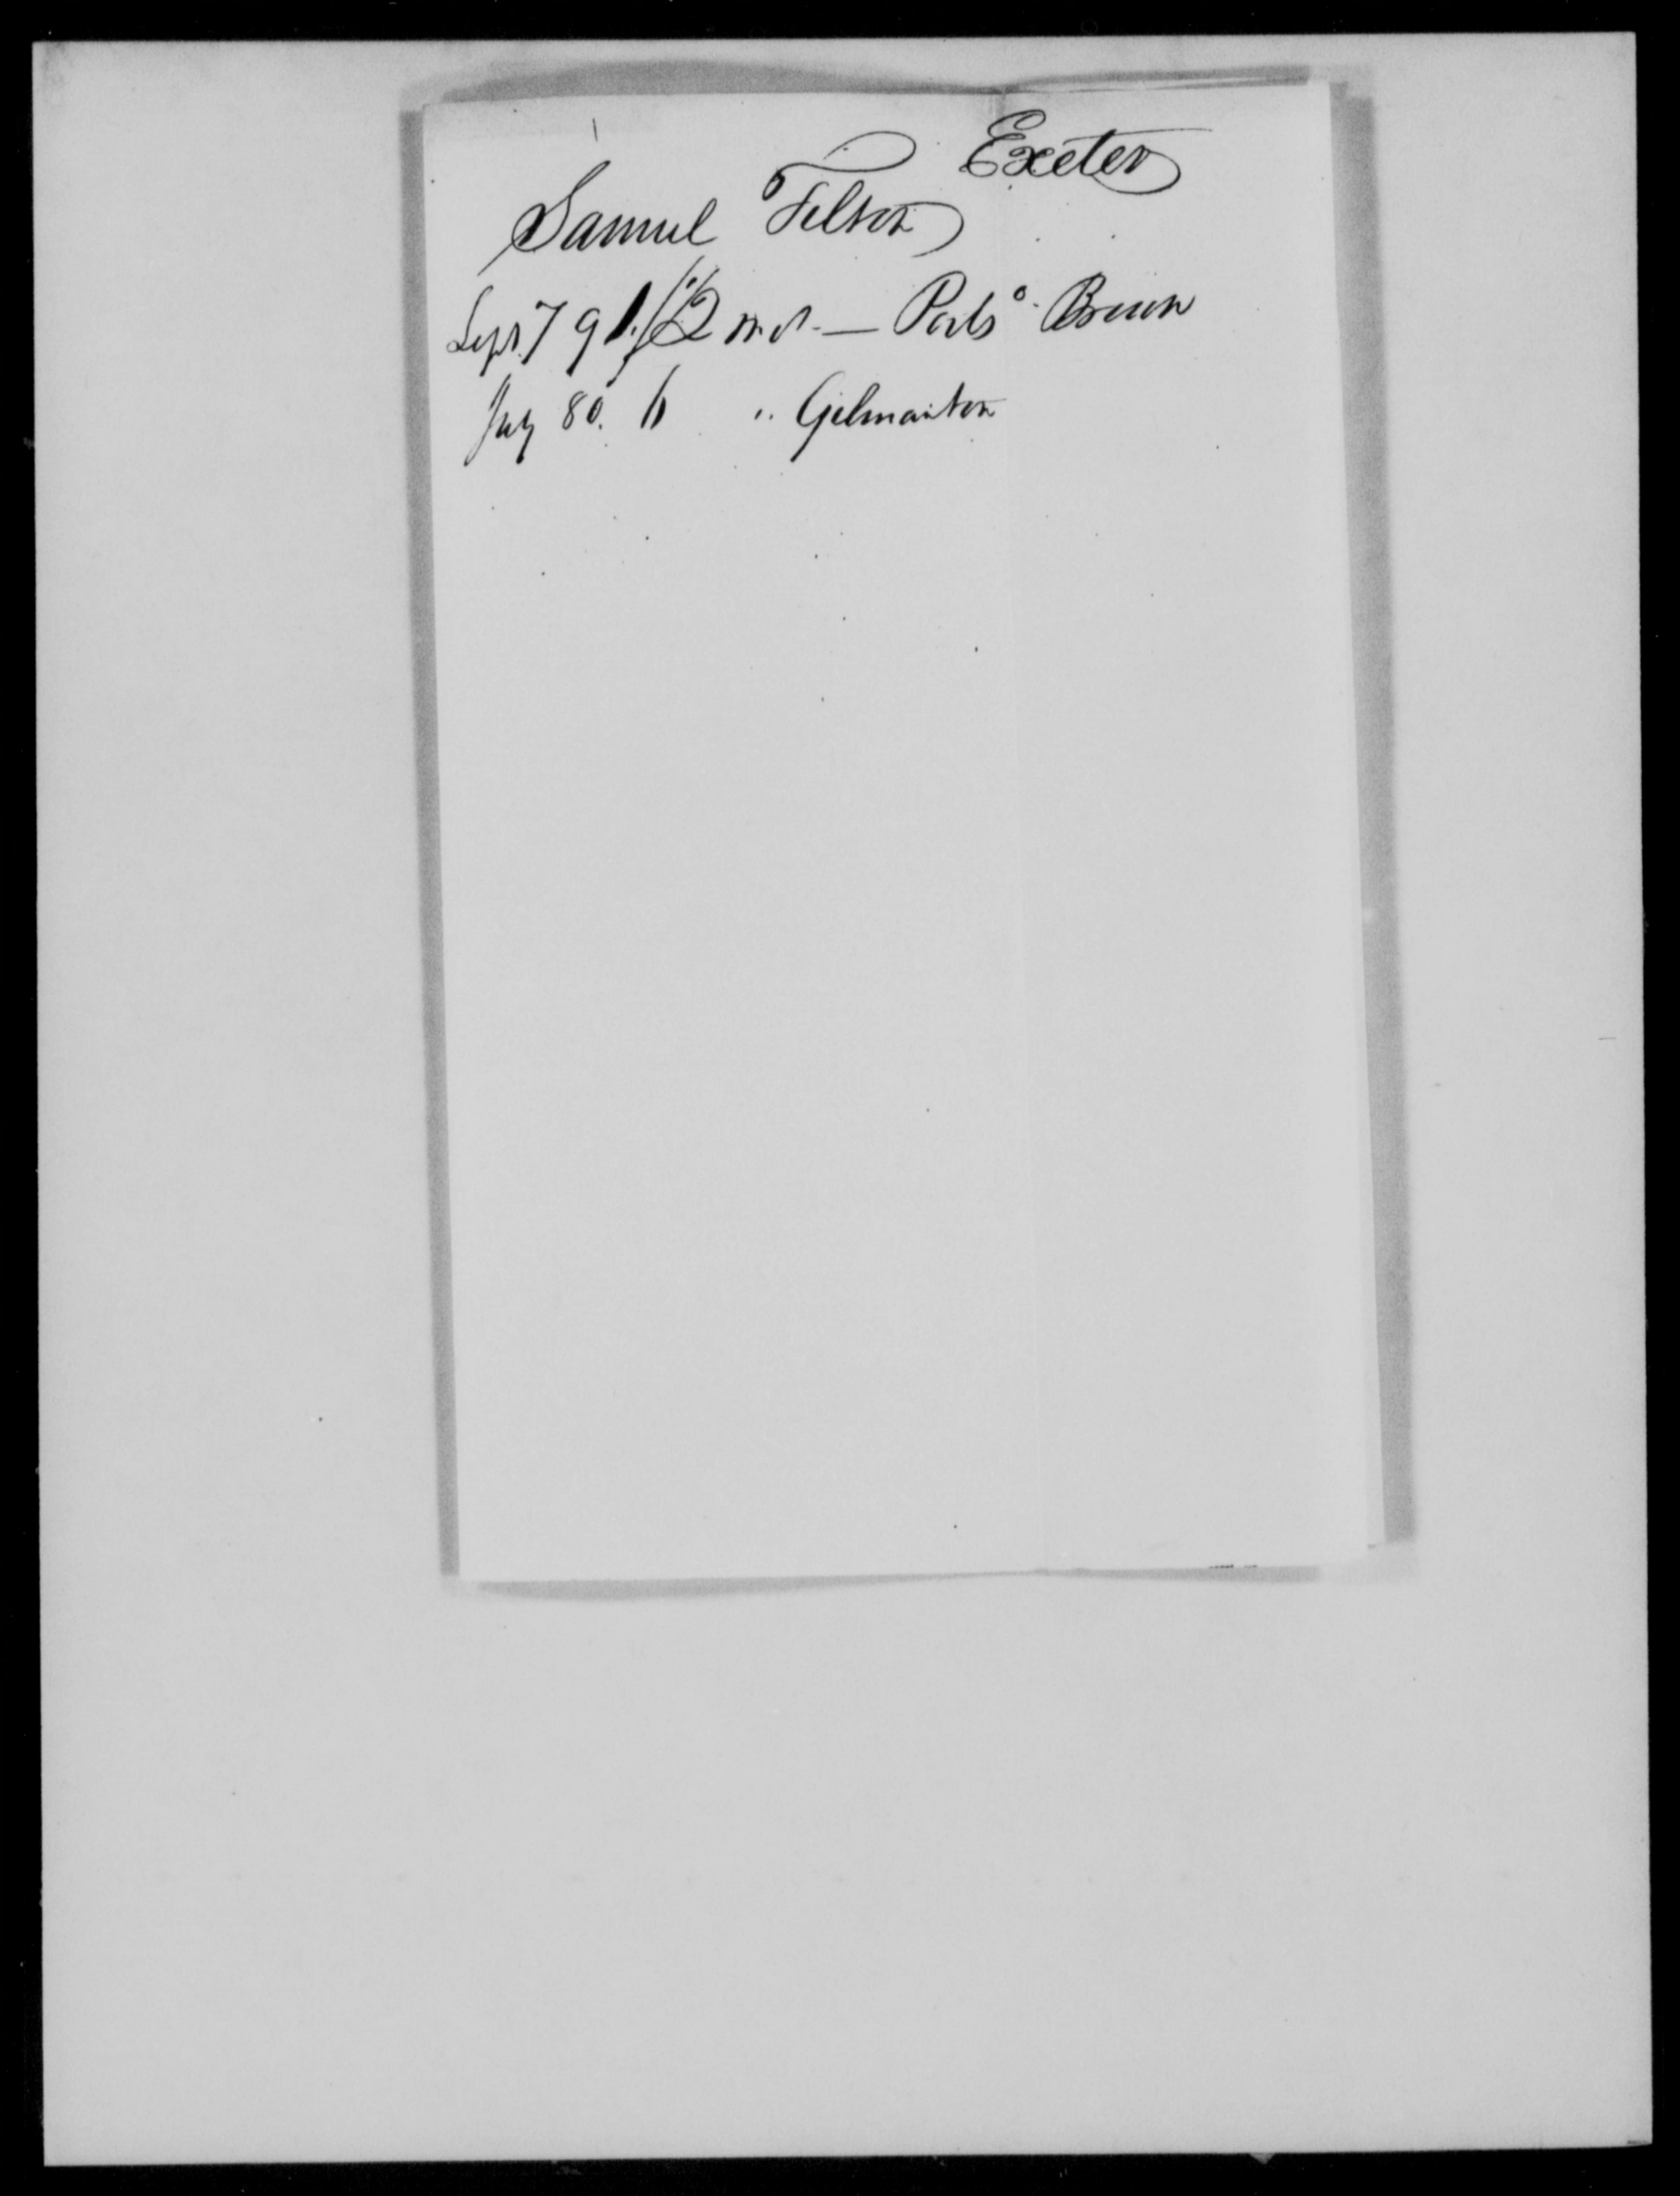Exeter
Samuel Tilton
Sept [17]79 1 1/2 mos Ports [Portsmouth] Brown
July [17]80 6 mos Gilmanton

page: 25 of 55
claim: widow's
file: W. 14,021, for Samuel Tilton, New Hampshire